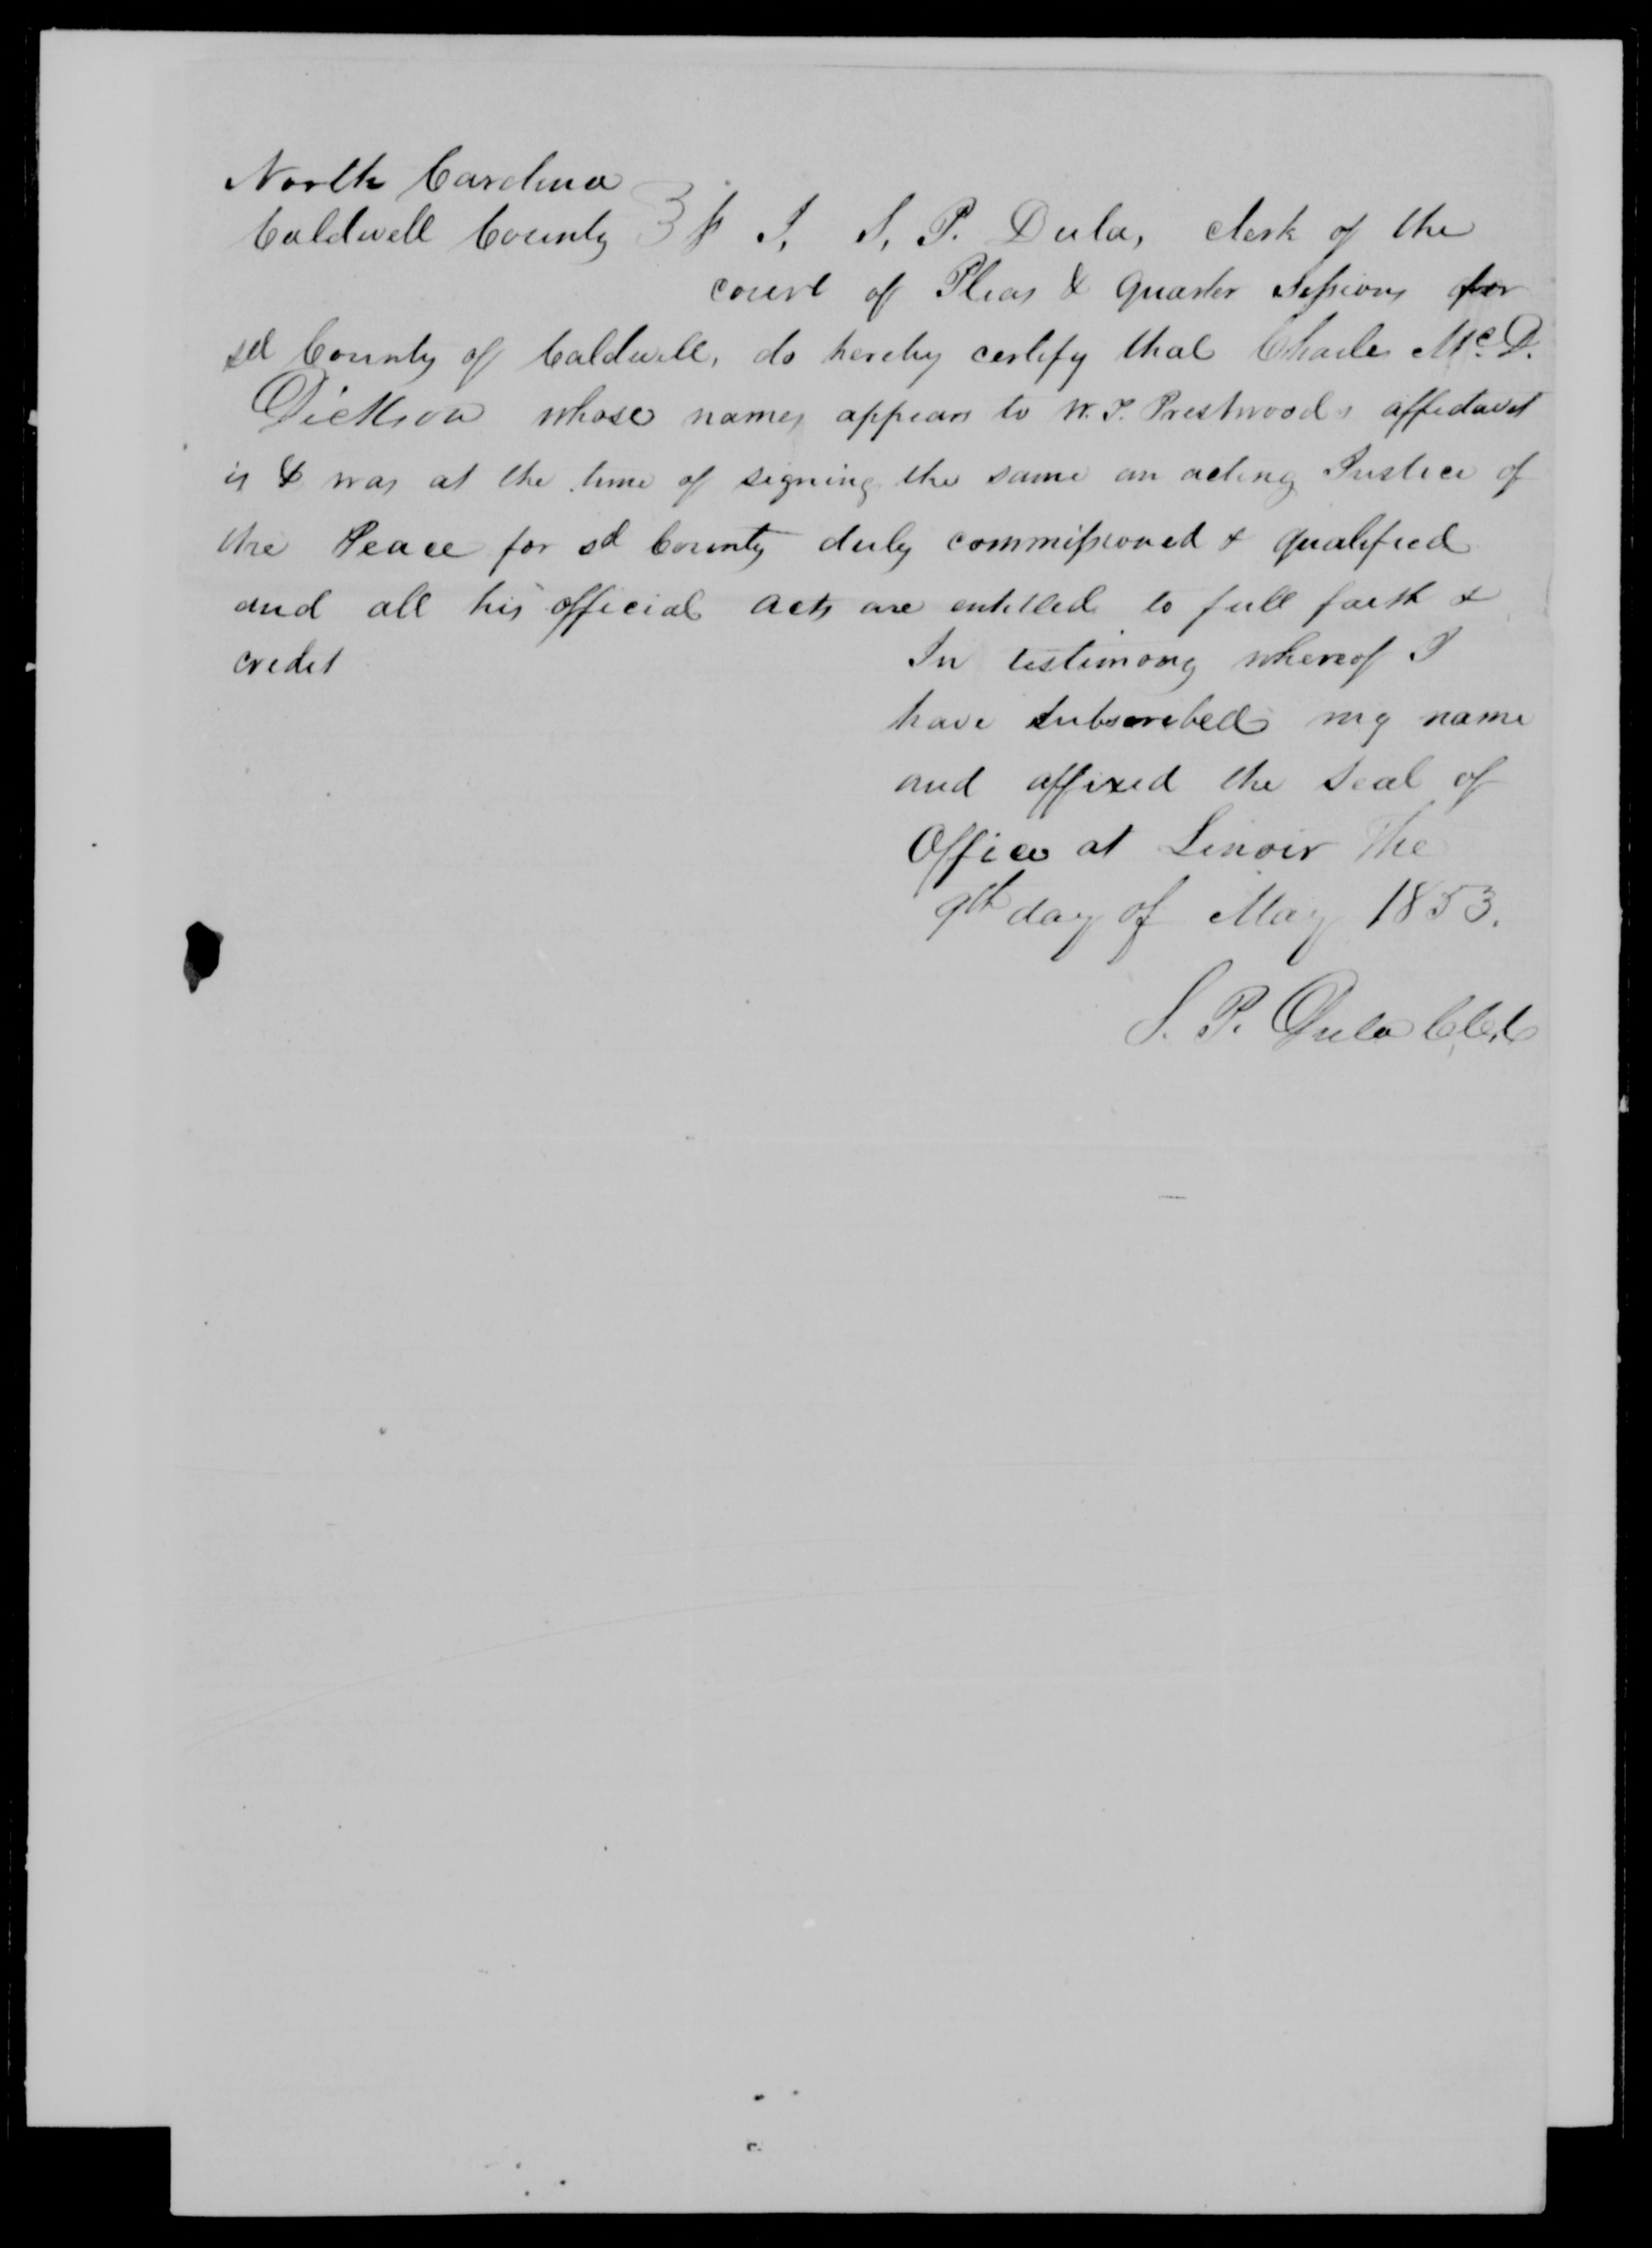North Carolina}
Caldwell County} ss I, S. P. Dula, clerk of the 
court of Pleas & Quarter Sessions for 
sd County of Caldwell, do hereby certify that Charles Mc.D. Dickson whose name appears to W. T. Prestwoods affidavit 
is & was at the time of signing the same an acting Justice of the Peace for sd County duly commissioned & qualified 
and all his official acts are entitled to full faith & 
credit
In testimony whereof I 
have Subscribed my name
and affixed the Seal of
Office at Linoir the
9th day of May 185.
S. P. Dula C.C.C.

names: Charles Mc D Dickson, W T Prestwood, S P Dula, S P Dula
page: 8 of 8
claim: rejected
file: R. 10677, Martin Trap, Va.